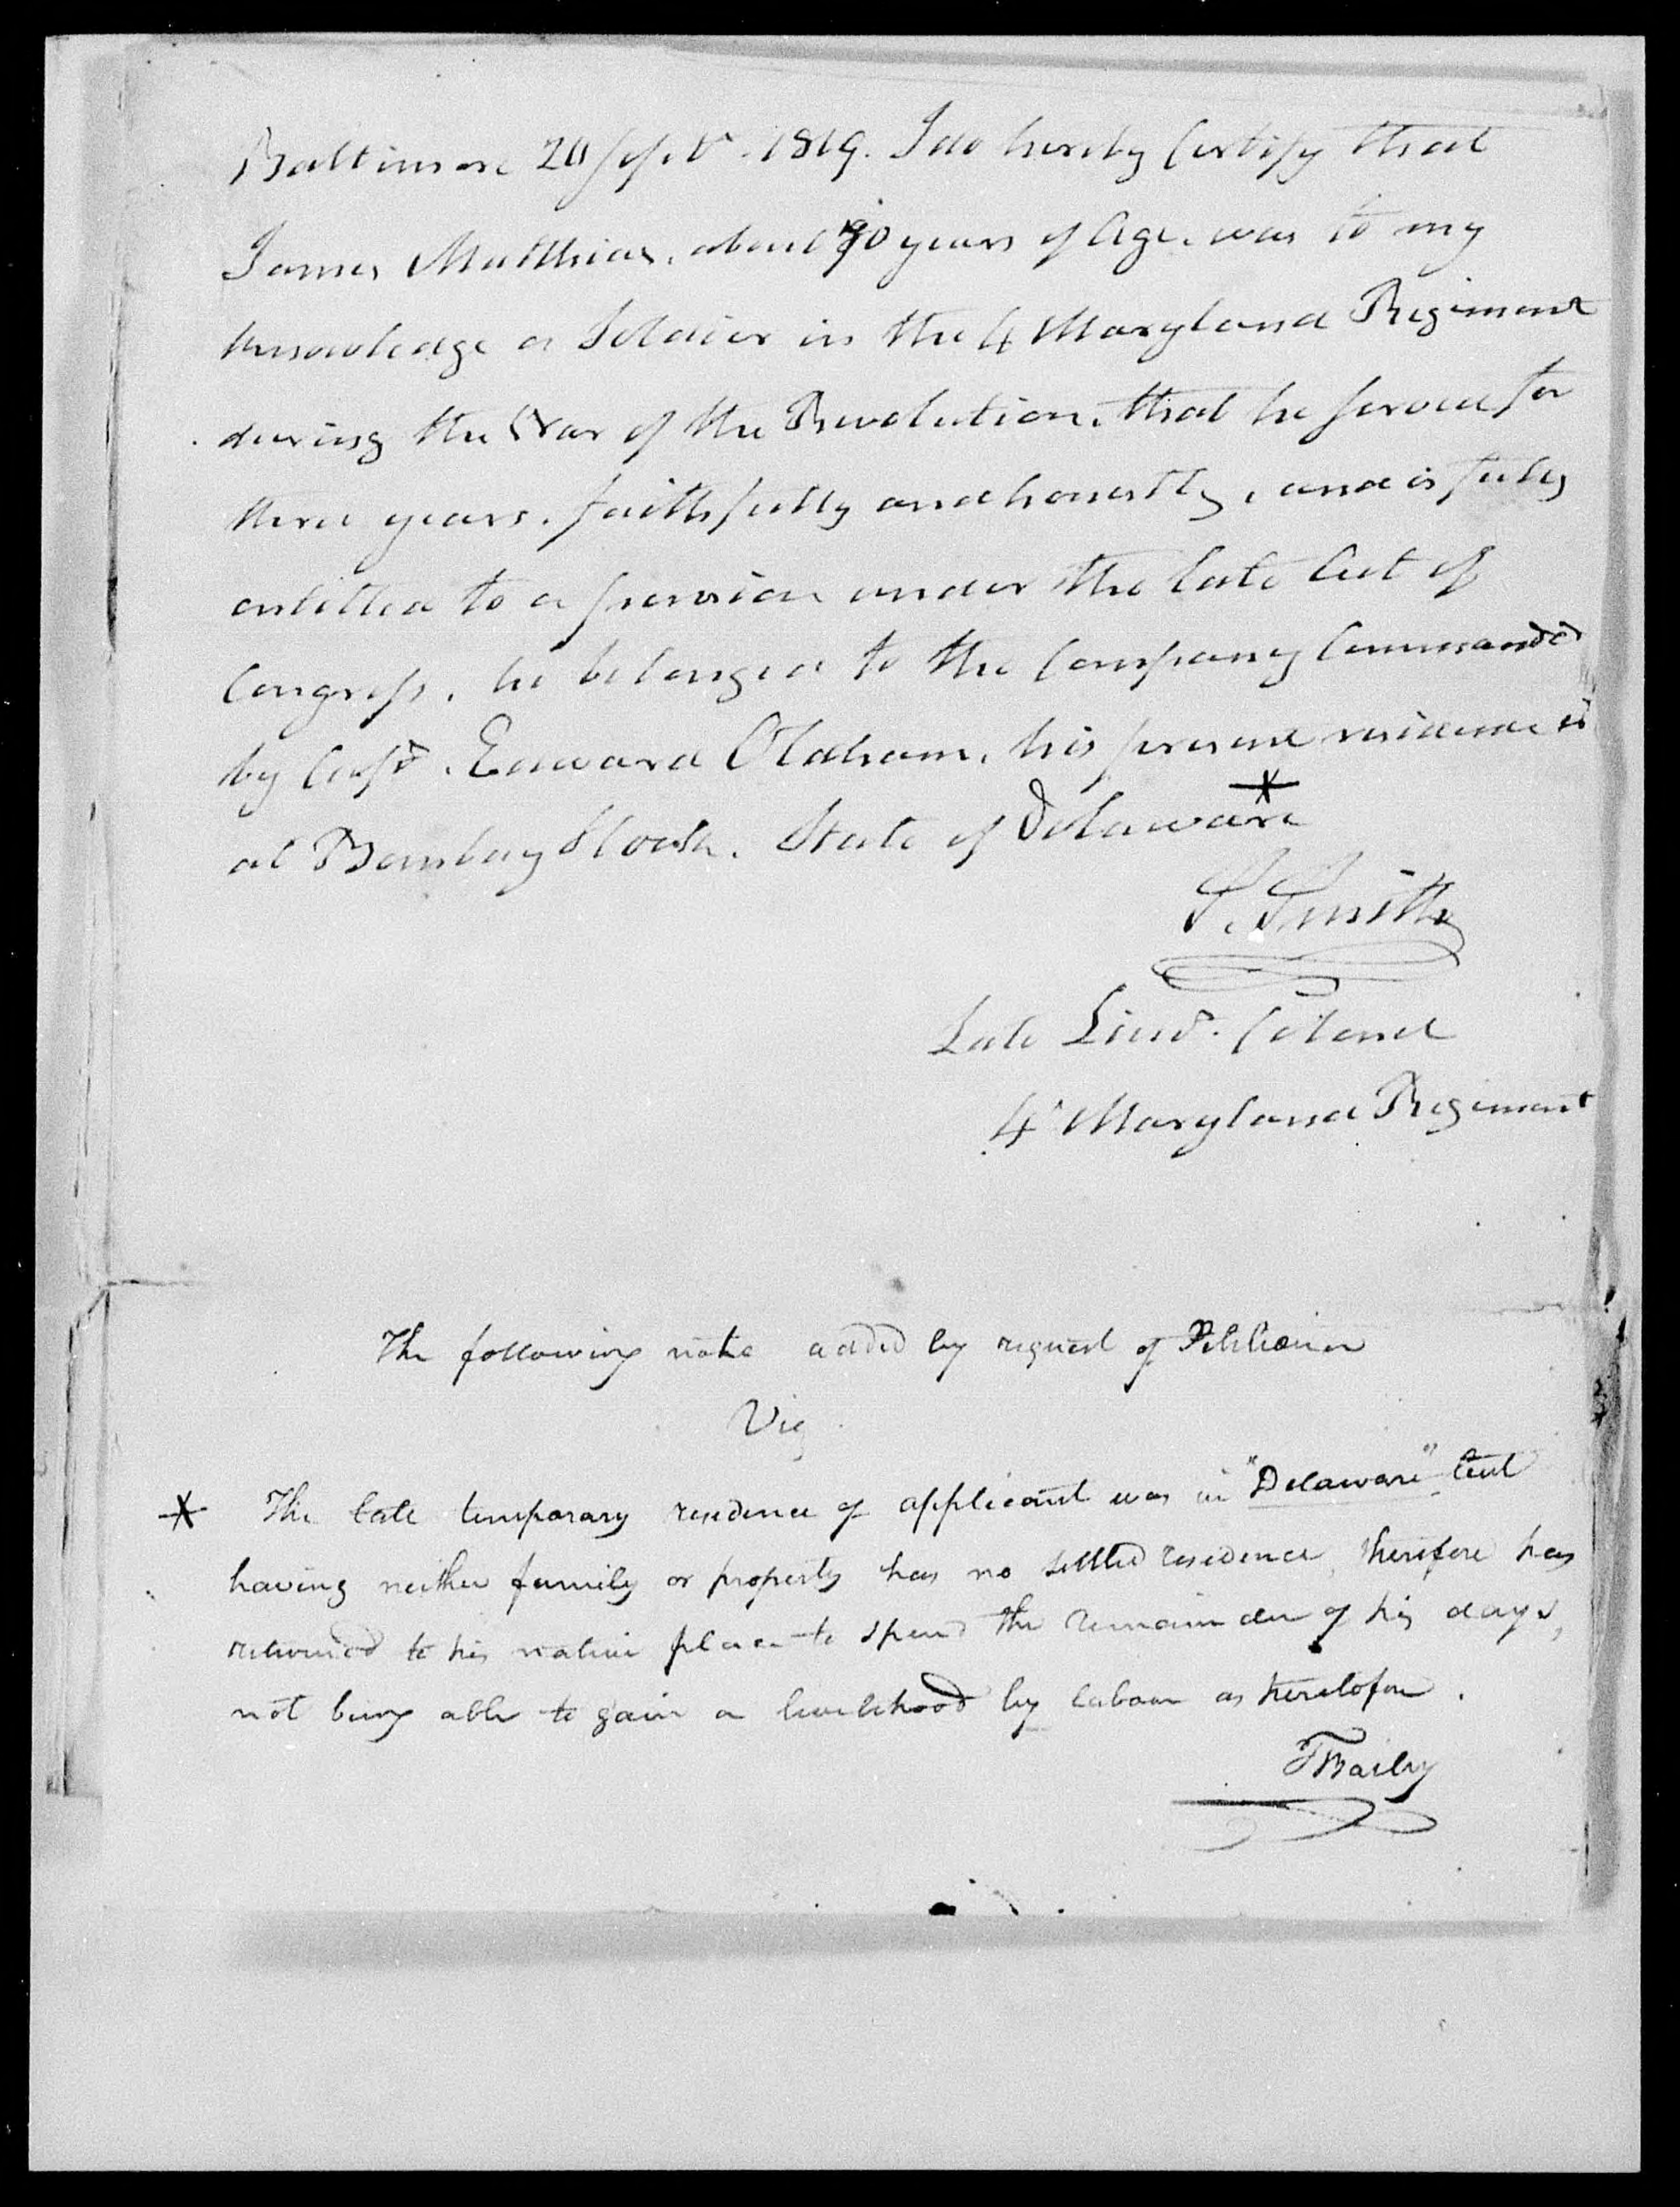Baltimore 24 Feb 1849, I do hereby certify that
James Mathias, about 70 years of age, was to my knowledge or Soldier in the 4 Maryland Regiment during the war of the Revolution, that he served for three years faithfully and honestly, and is truly entitled to a pension under the late act of Congress. he belonged to the Company commanded by Capt Edward Oldham, his present residence at [illegible] North, State of Delaware
J. Smith
Late Lieu't Colonel
4 Maryland Regiment

The following note added by request of Petitioner
Viz
The late temporary residence of applicant was in Delaware, but having neither family or property has no settled residence, therefore has returned to his native place to spend the remainder of his days not being able to gain a livelihood by labour as heretofore
F Bailey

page: 18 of 20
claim: survivor's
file: S. 40,119, for James Mathias, Maryland